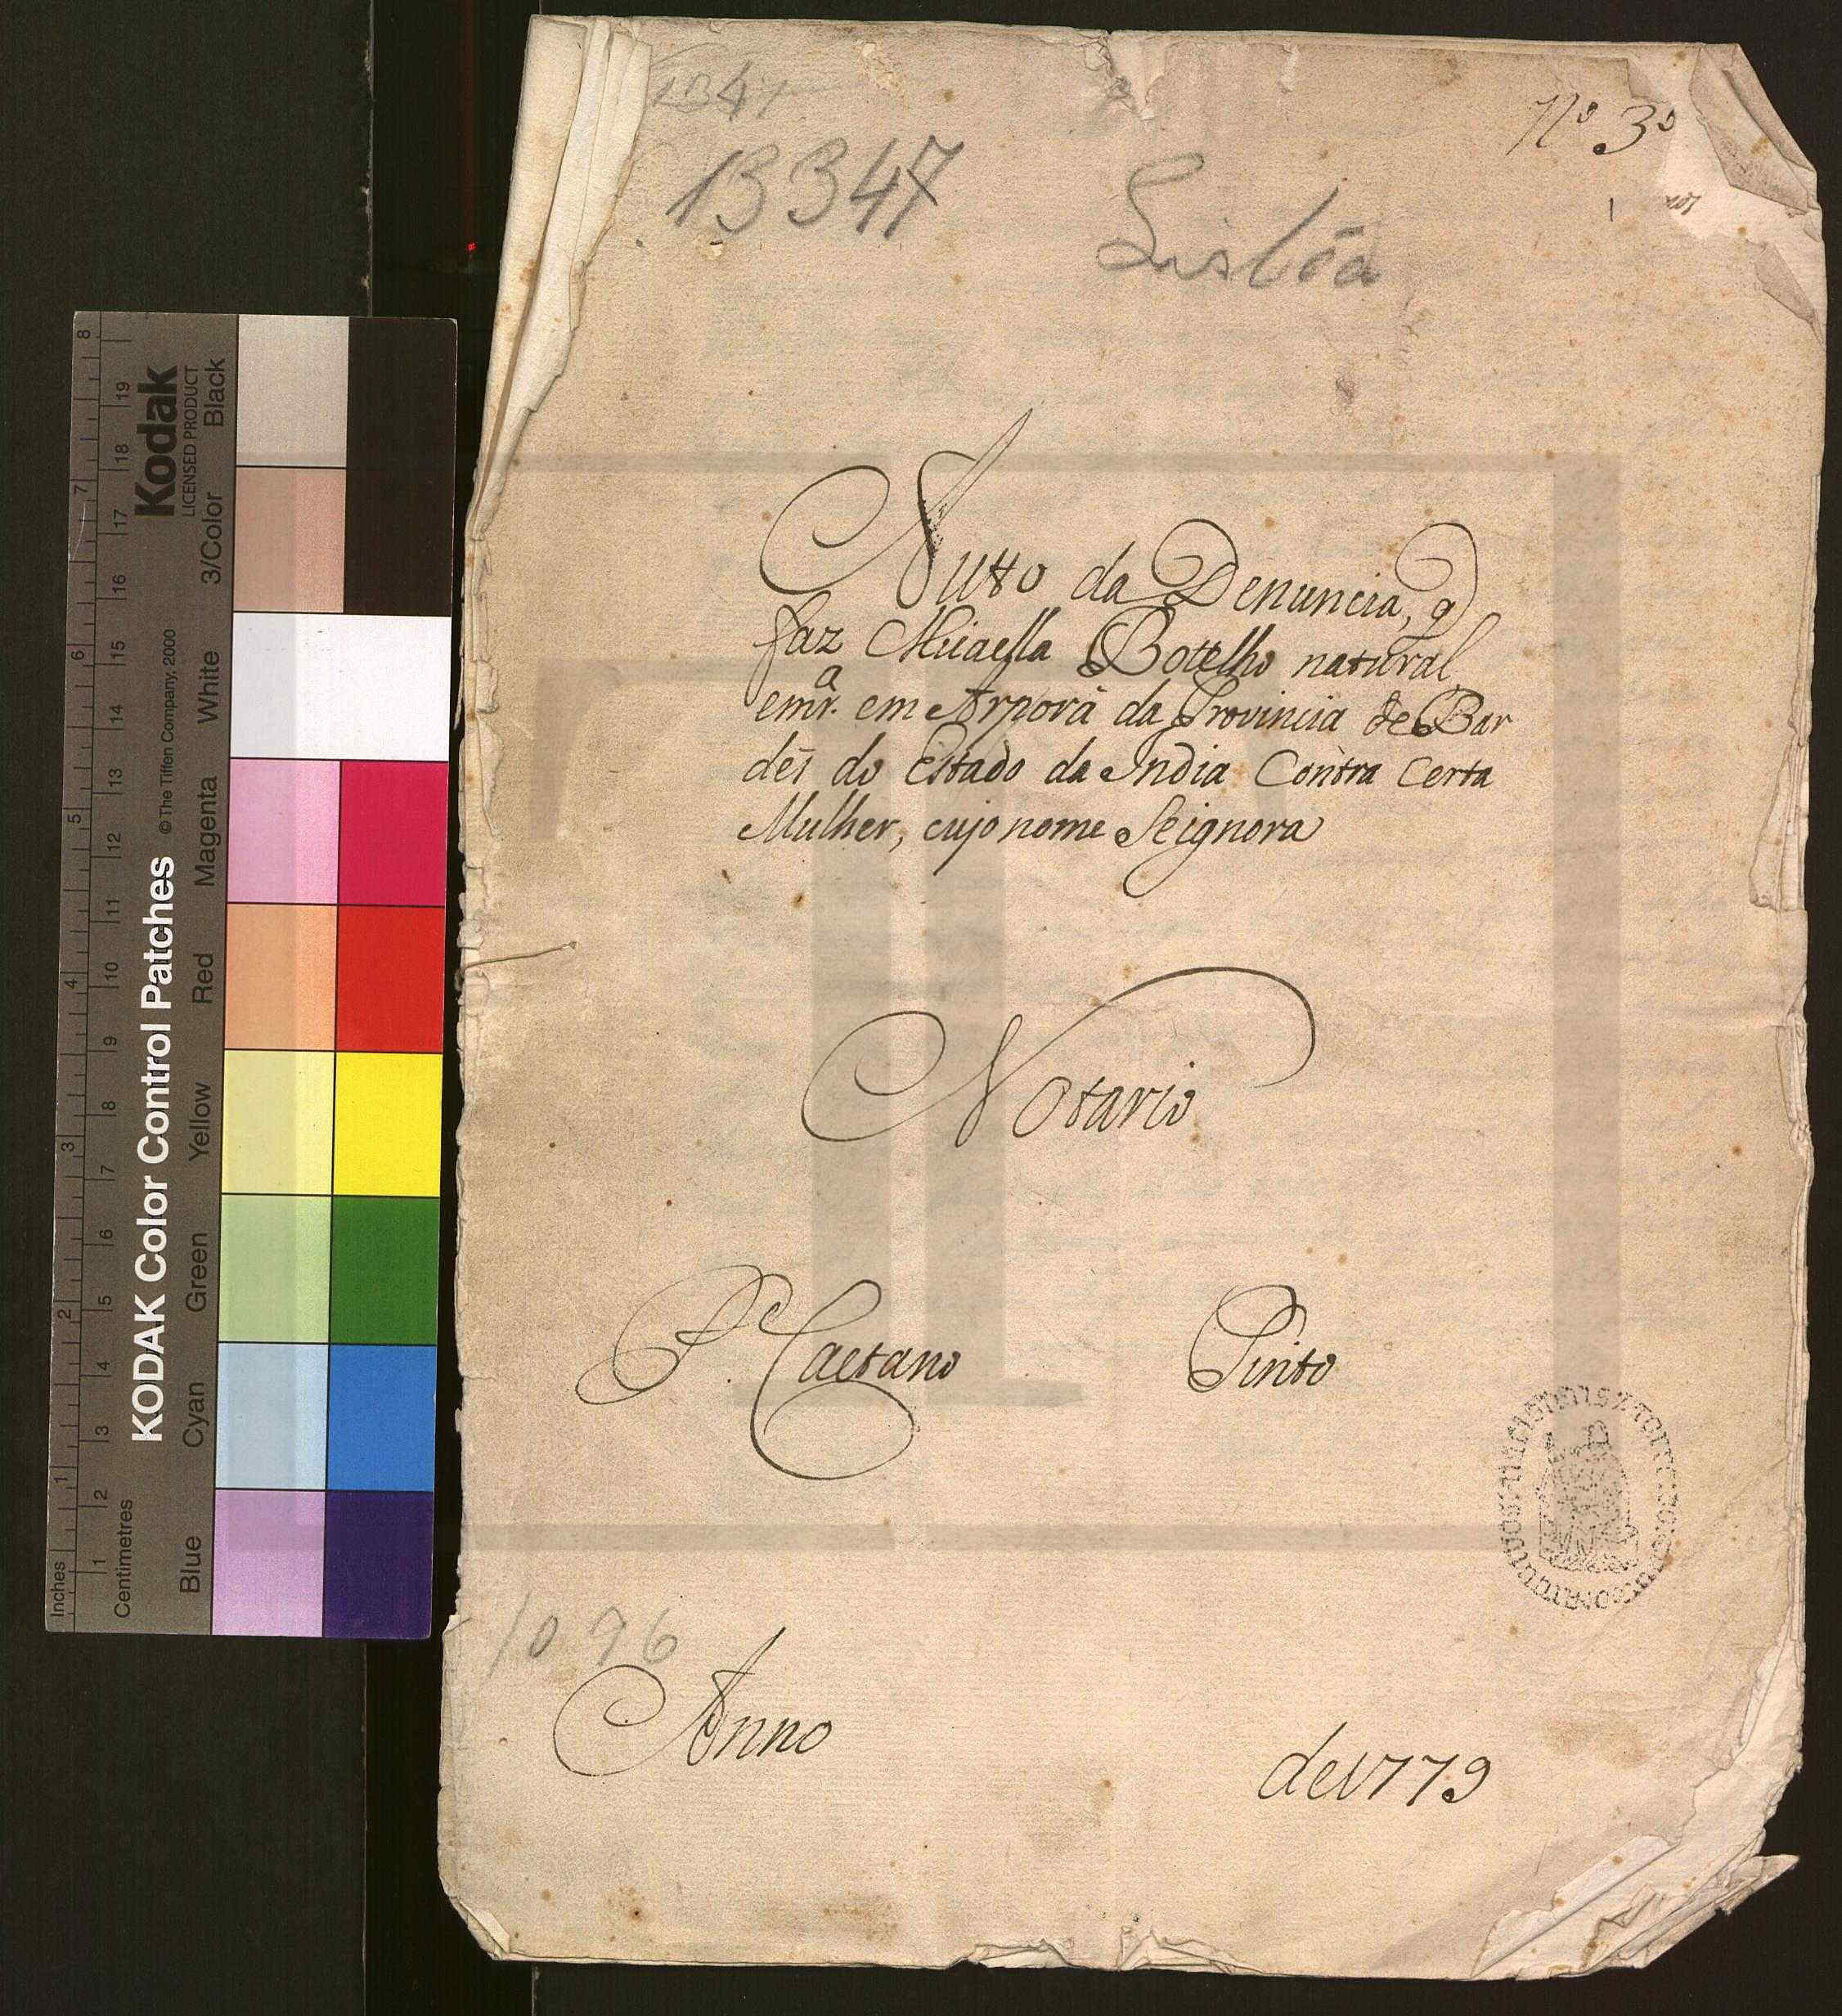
No 3o
Autto da Denuncia, q̄
faz Micaella Botelho natural,
e mr.a em Arporã da Provincia de Bar
dés do Estado da India Contra certa
Mulher, cujo nome Se ignora
Notario
P.e Caetano
Pinto
Anno
de 1779
